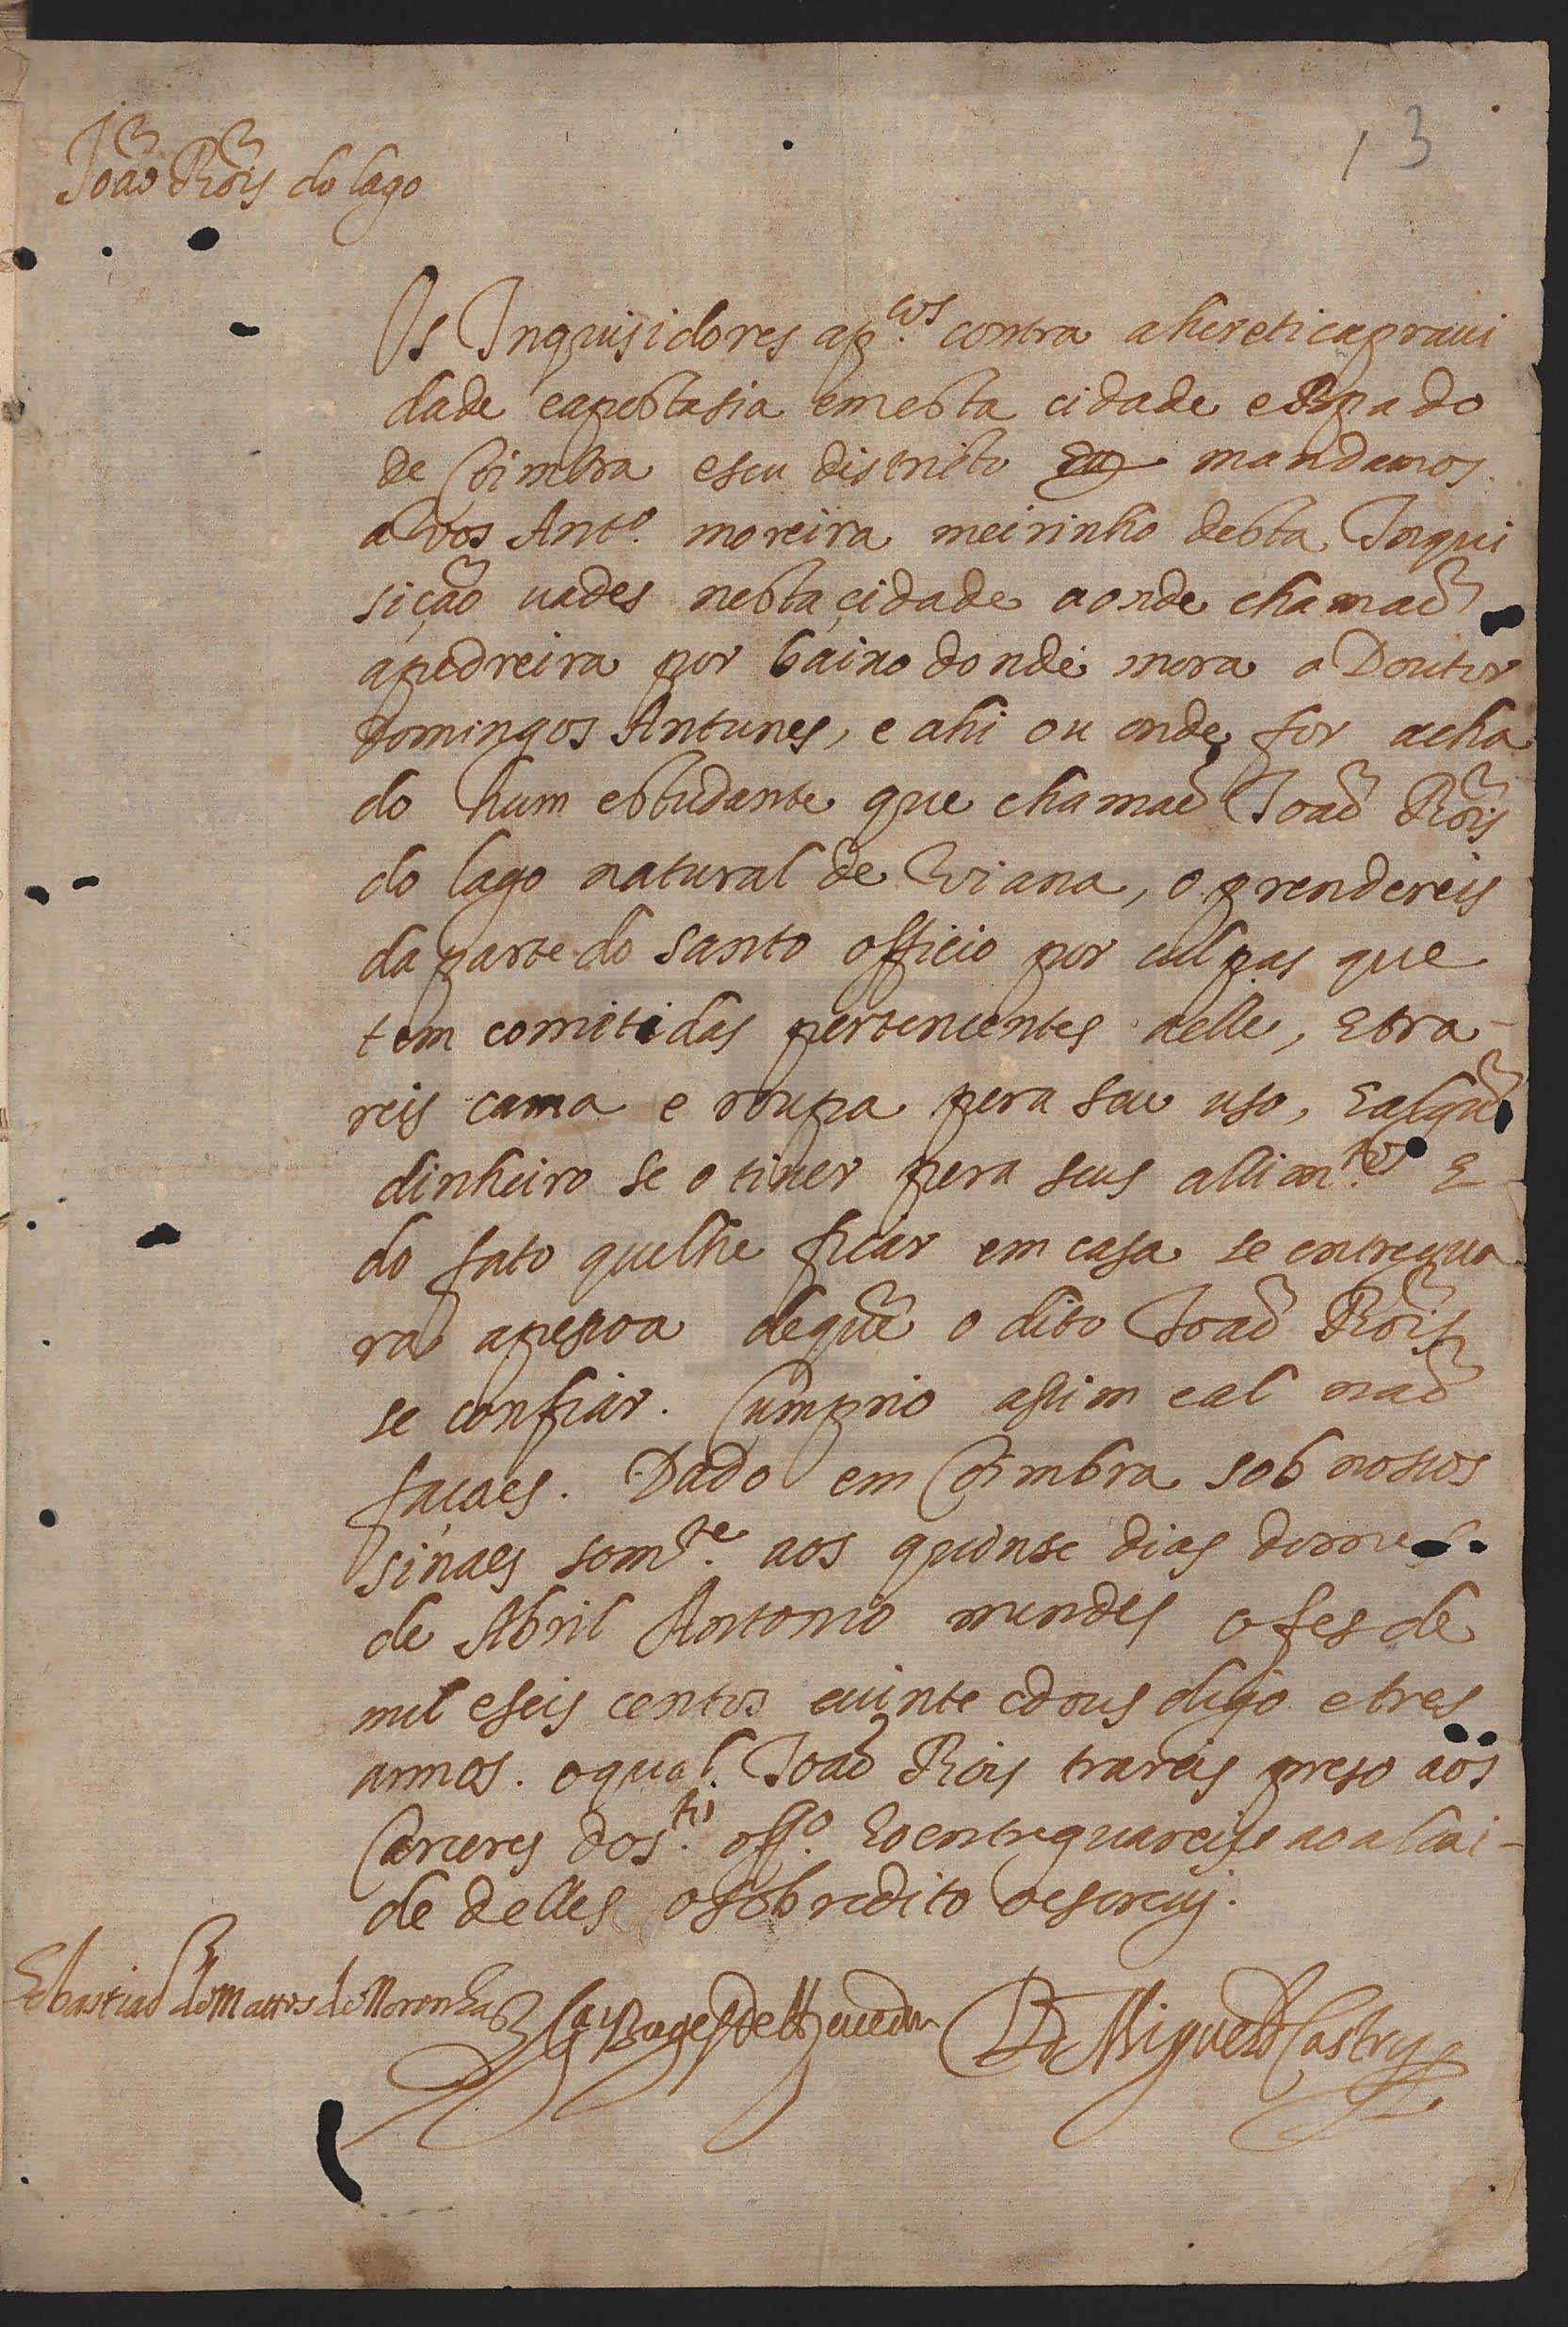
Ioaõ Rōis do lago
Os Inquisidores ap.cos contra a heretica praui
dade e apostasia em esta cidade e Bpado
de Coimbra e seu districto etc mandamos
a vos Ant.o moreira meirinho desta Inqui
sição uades nesta cidade aonde chamaõ
a pedreira por baixo donde mora o Doutor
Domingos Antunes, e ahi ou onde for acha
do hum estudante que chamaõ Ioaõ Rōiz
do lago natural de Viana, o prendereis
da parte do Santo officio por culpas que
tem comitidas pertencentes a elle, E tra
reis cama e roupa pera seu uso, E algū
dinheiro se o tiuer pera seus allim.tos E
do fato que lhe ficar em casa se entregua
raõ a pessoa, de quē o dito Ioaõ Rōiz
se confiar. Cumprio assim e al naõ
façaes. Dado em Coimbra, sob nossos
sinaes som.te aos quinse dias do mes
de Abril Antonio mendes o fes de
mil e seiscentos e uinte e dous digo e tres
annos. o qual Ioaõ Rois trareis preso aos
Carceres do s.to off.o, e o entreguareis ao alcai
de delles o sobredito o escreuj.
Sebastiaõ do Mattos de Noronha
Gar Borges de Azeuedo
Dō Miguel d Castro
